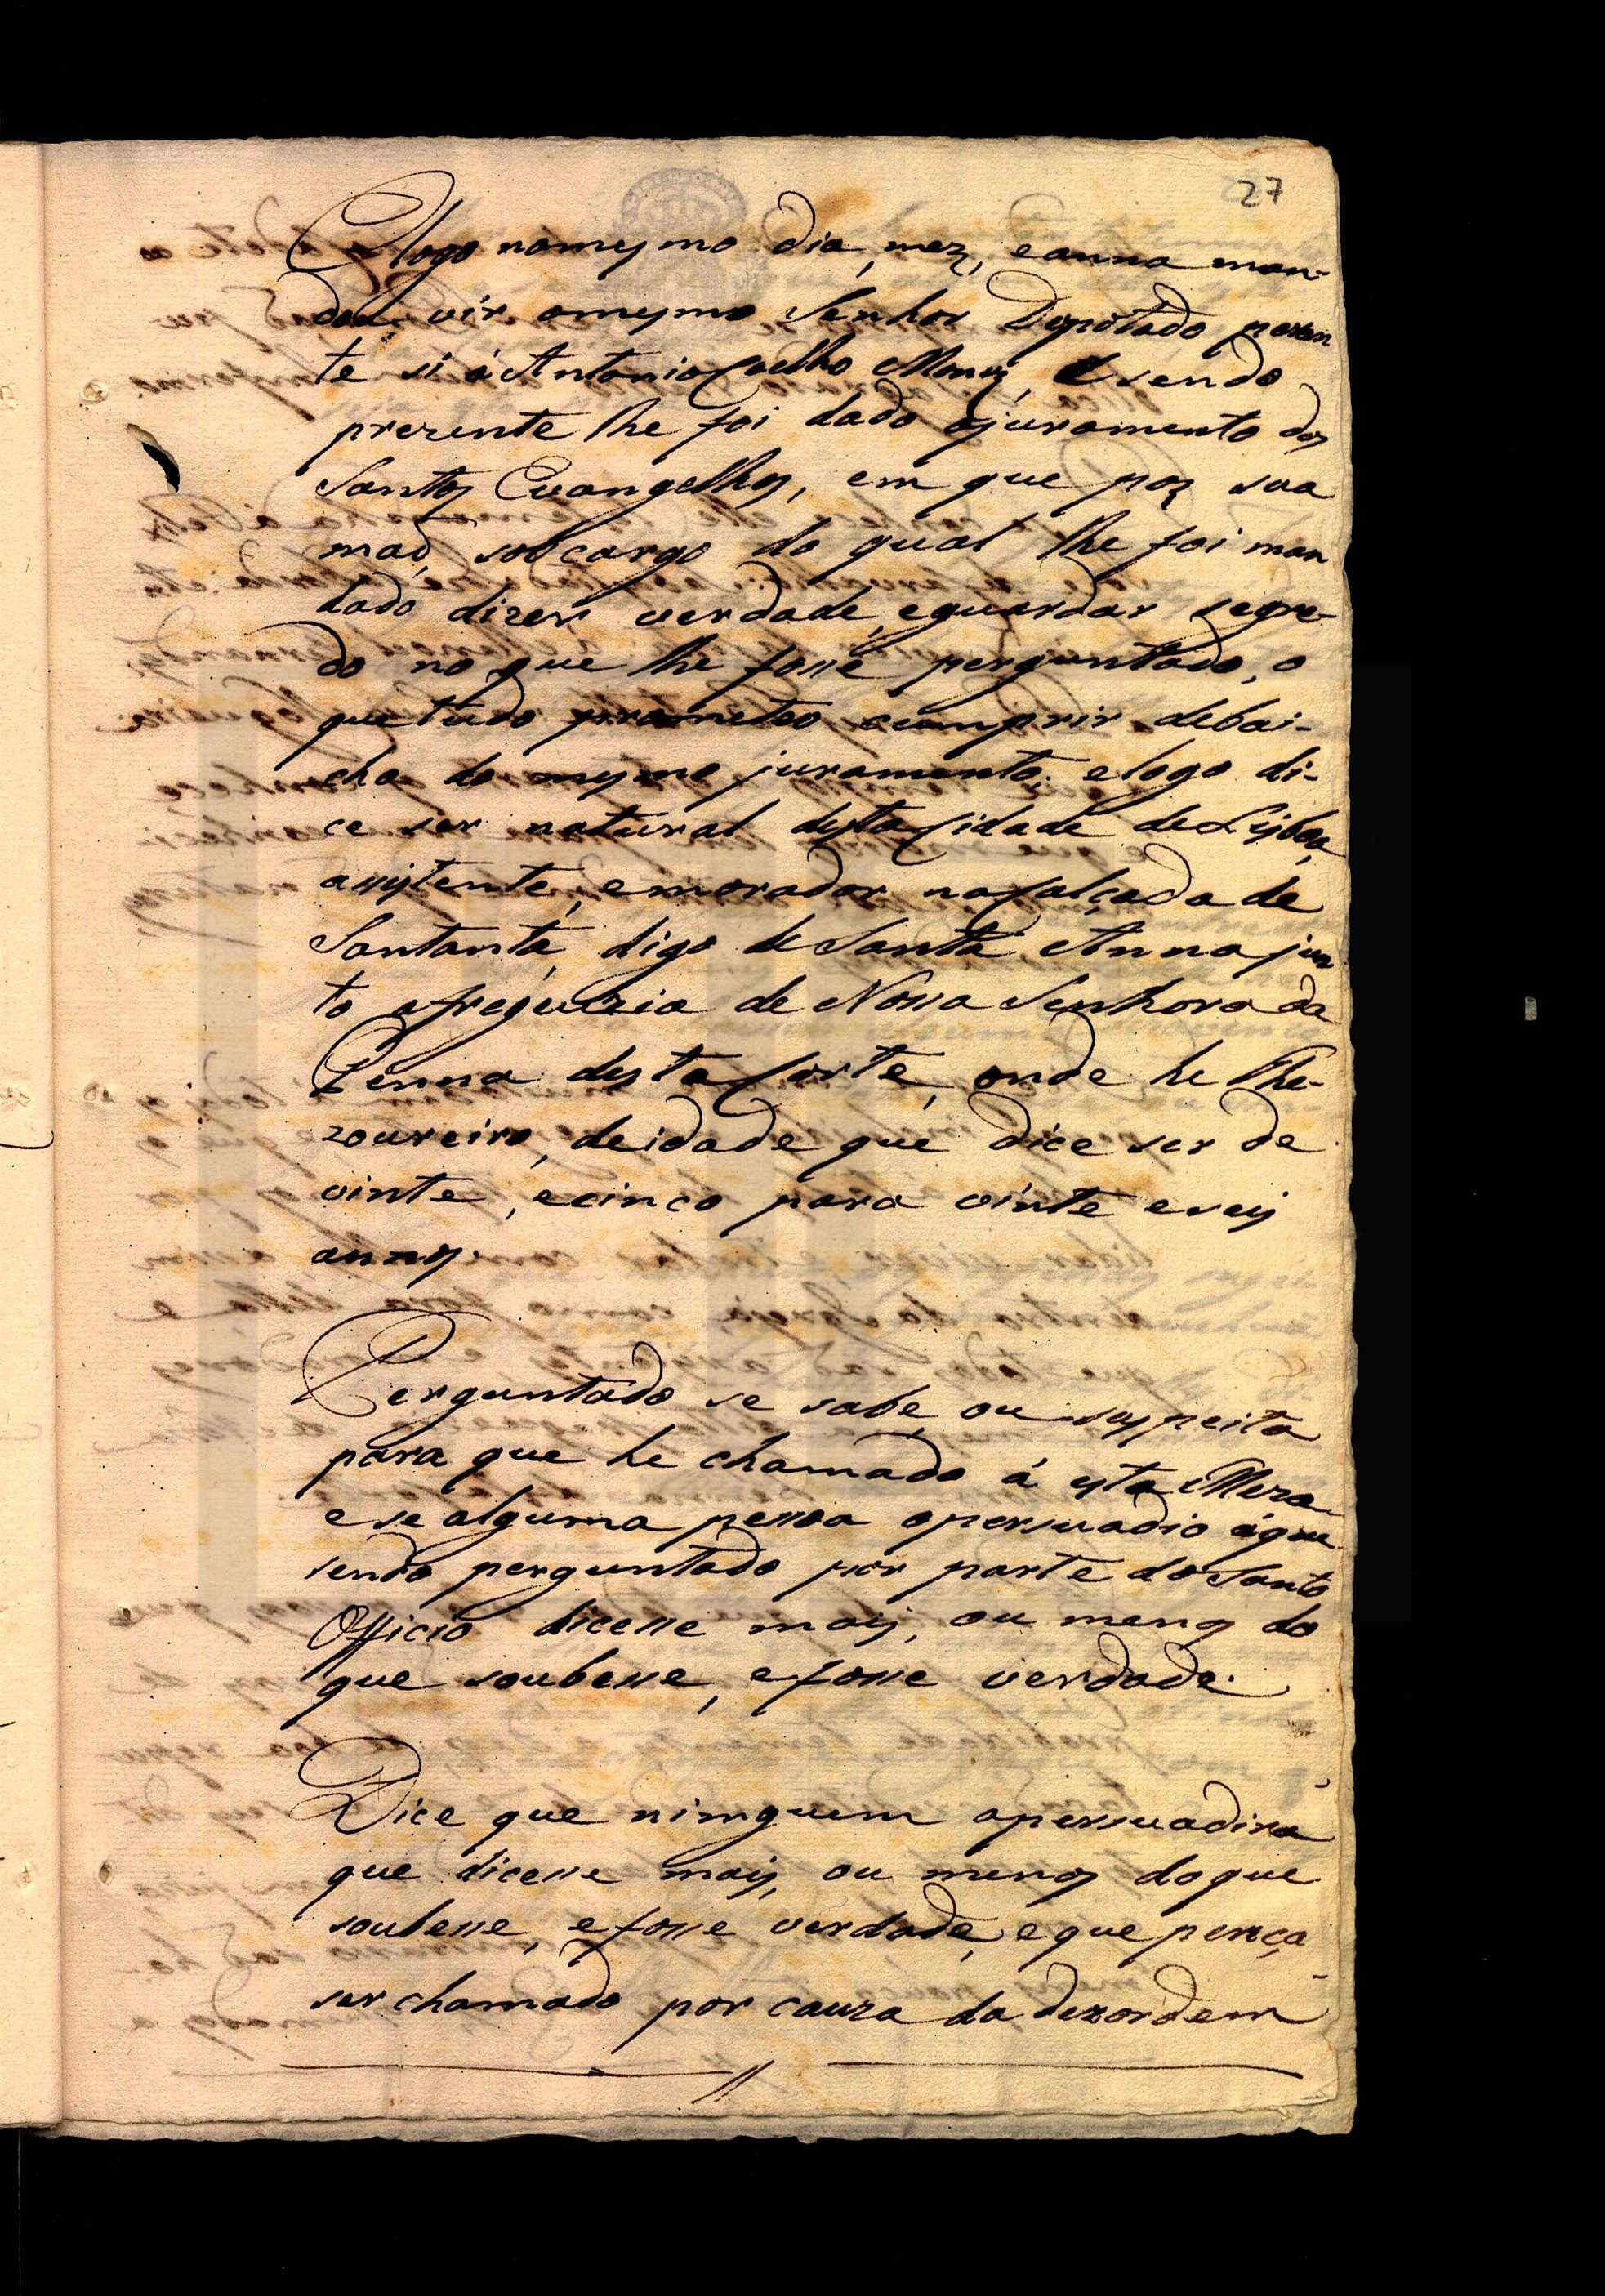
E logo no mesmo dia, mez, e anno man
dou vir o mesmo Senhor Depotado peran
te si á Antonio Coelho Moniz E sendo
prezente lhe foi dado o juramento dos
Santos Euangelhos, em que pos sua
maõ, sob cargo do qual lhe foi man
dado dizer verdade e guardar segre
do no que lhe fosse perguntado, o
que tudo prometeo o cumprir debai
cho do mesmo juramento; e logo di
ce ser natural desta Cidade de Lisboa,
assistente, e morador na Calçada de
Santanta, digo de Santa Anna jus
to a freguezia de Nossa Senhora da
Penna desta Corte, onde he The
zoureiro, de idade que dice ser de
vinte, e cinco para vinte e seis
annos.
Perguntado se sabe ou suspeita
para que he chamado á esta Meza
e se alguma pessoa o persuadio á que
sendo perguntado por parte do Santo
Officio dicesse mais, ou menos do
que soubesse, e fosse verdade.
Dice que nimguem o persuadira
que dicesse mais, ou menos do que
soubesse, e fosse verdade, e que pença
ser chamado por cauza da dezordem
